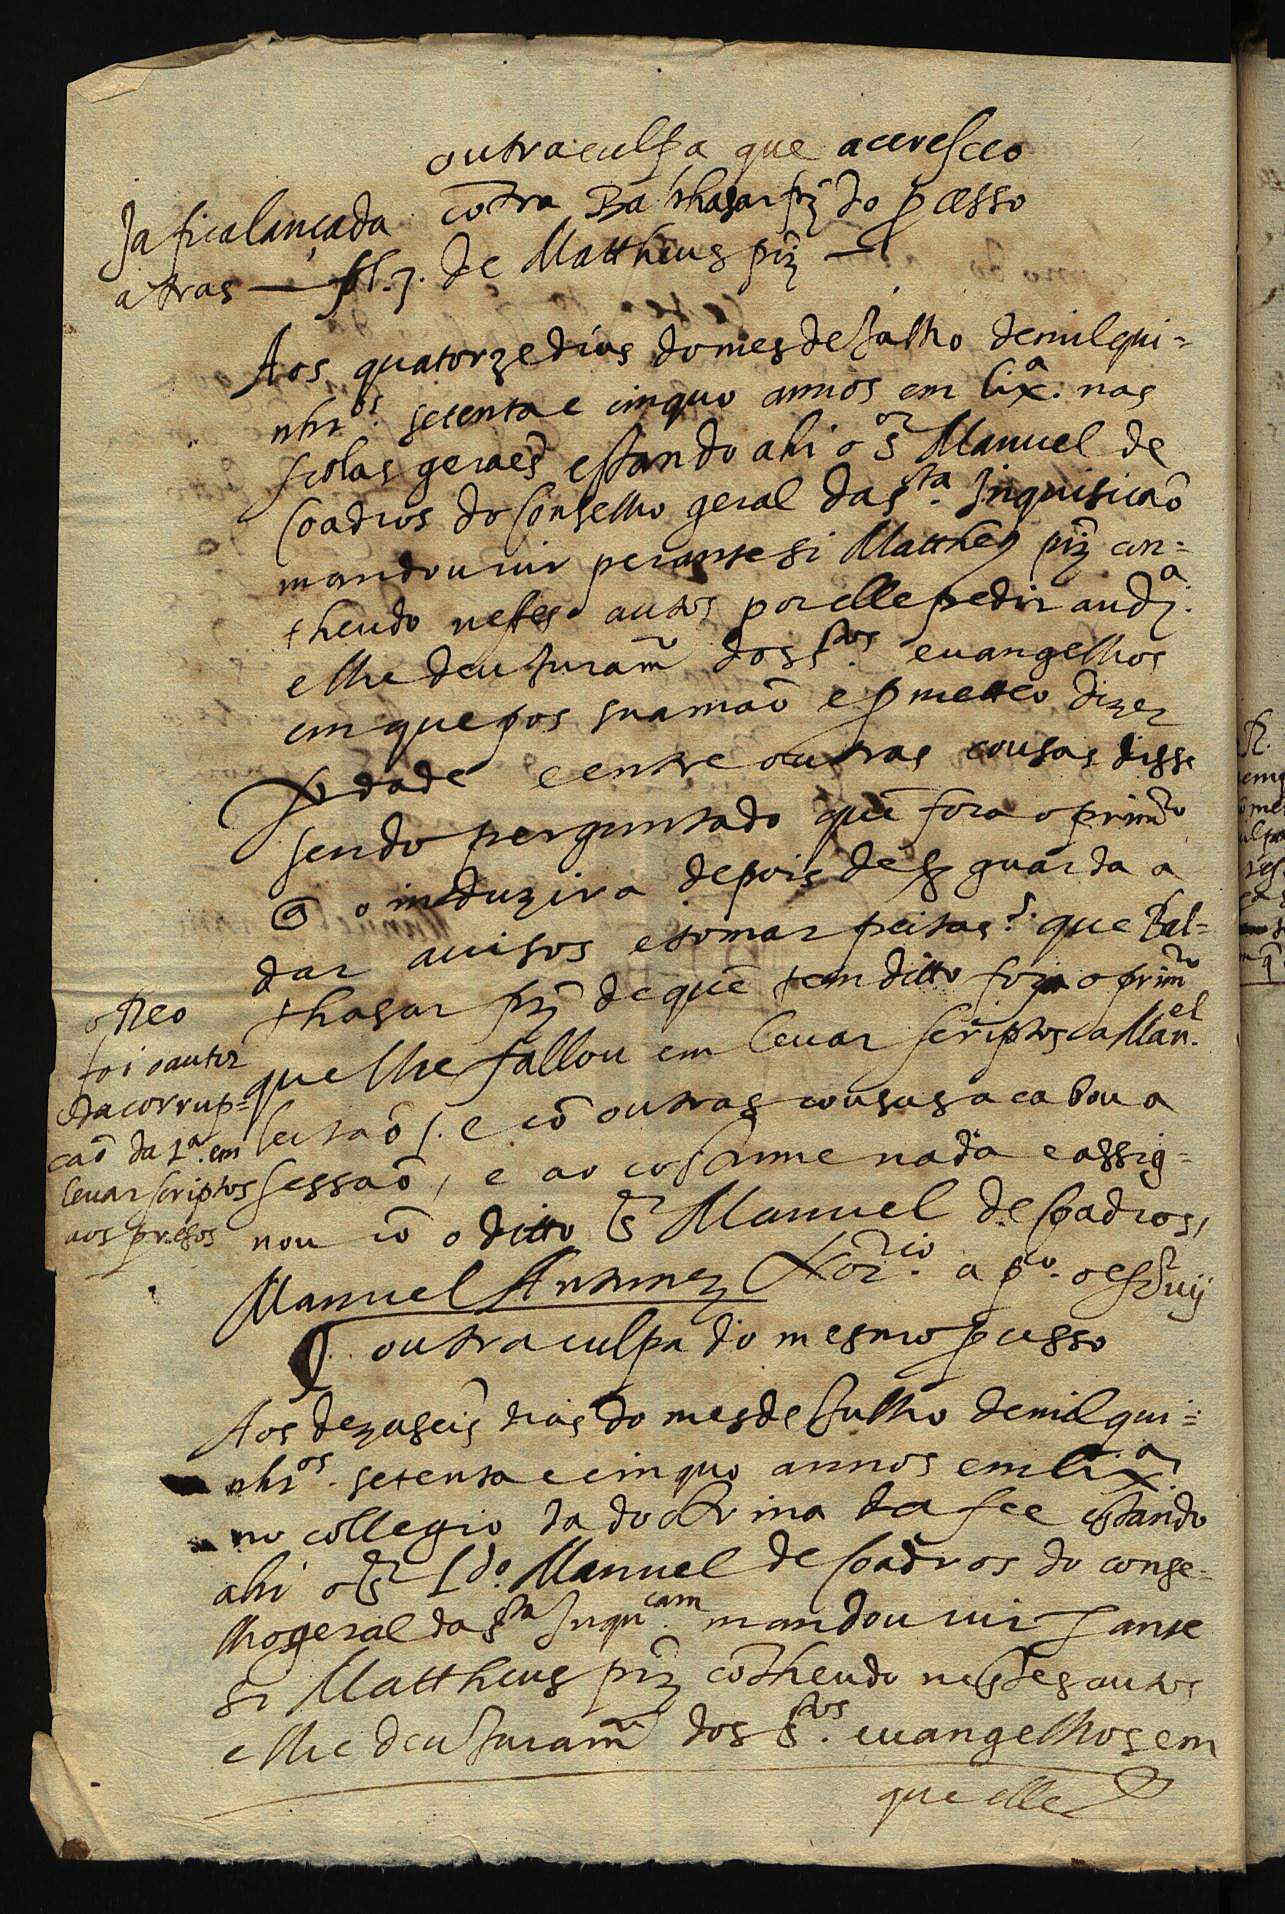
outra culpa que accresceo
cōtra Balthasar frz̄ do ꝓcesso
de Mattheus piz̄
Ja fica lançada
atras - fol. 7.
Aos quatorze dias do mes de Julho de mil qui
nhtos. setenta e cinquo annos em lixa. nas
scolas geraēs estando ahi o sor Manuel de
Coadros do Conselho geral da sta. Inquisiçaõ
mandou uir perante si Mattheꝯ piz̄ con
theudo nestes autos por elle pedir audja.
e lhe deu Iuramto dos stos. euangelhos
em que pos sua maõ e ꝓmetteo dizer
ꝟdade e entre outras cousas disse
sendo perguntado quē fora o primro
q̄ o induzira depois de ꞩ guarda a
dar auisos e tomar peitas? que Bal
thasar frz̄ de quē tem ditto fora o primro
o Reo
foi o autor
da corrup
çaõ da ta. em
leuar scriptos
aos presos
que lhe fallou em leuar scriptos a Man.el
leitaõ /. e cō outras cousas acabou a
sessão, e ao costume nada e assig
nou co̅ o ditto sor Manuel de Coadros,
Manuel Antunez Not.rio apco. o esc̄uy
⁋ outra culpa do mesmo ꝓcesso
Aos dezaseis dias do mes de Julho de mil qui
nhtos. setenta e cinquo annos em lixa.
no collegio da doctrina da fee estando
ahi o sor Ldo. Manuel de Coadros do conse
lho geral da sta Jnqu.çam mandou uir ꝑante
si Mattheus piz̄ cōtheudo nestes autos
e lhe deu Iuramto dos stos. euangelhos em
que elle
